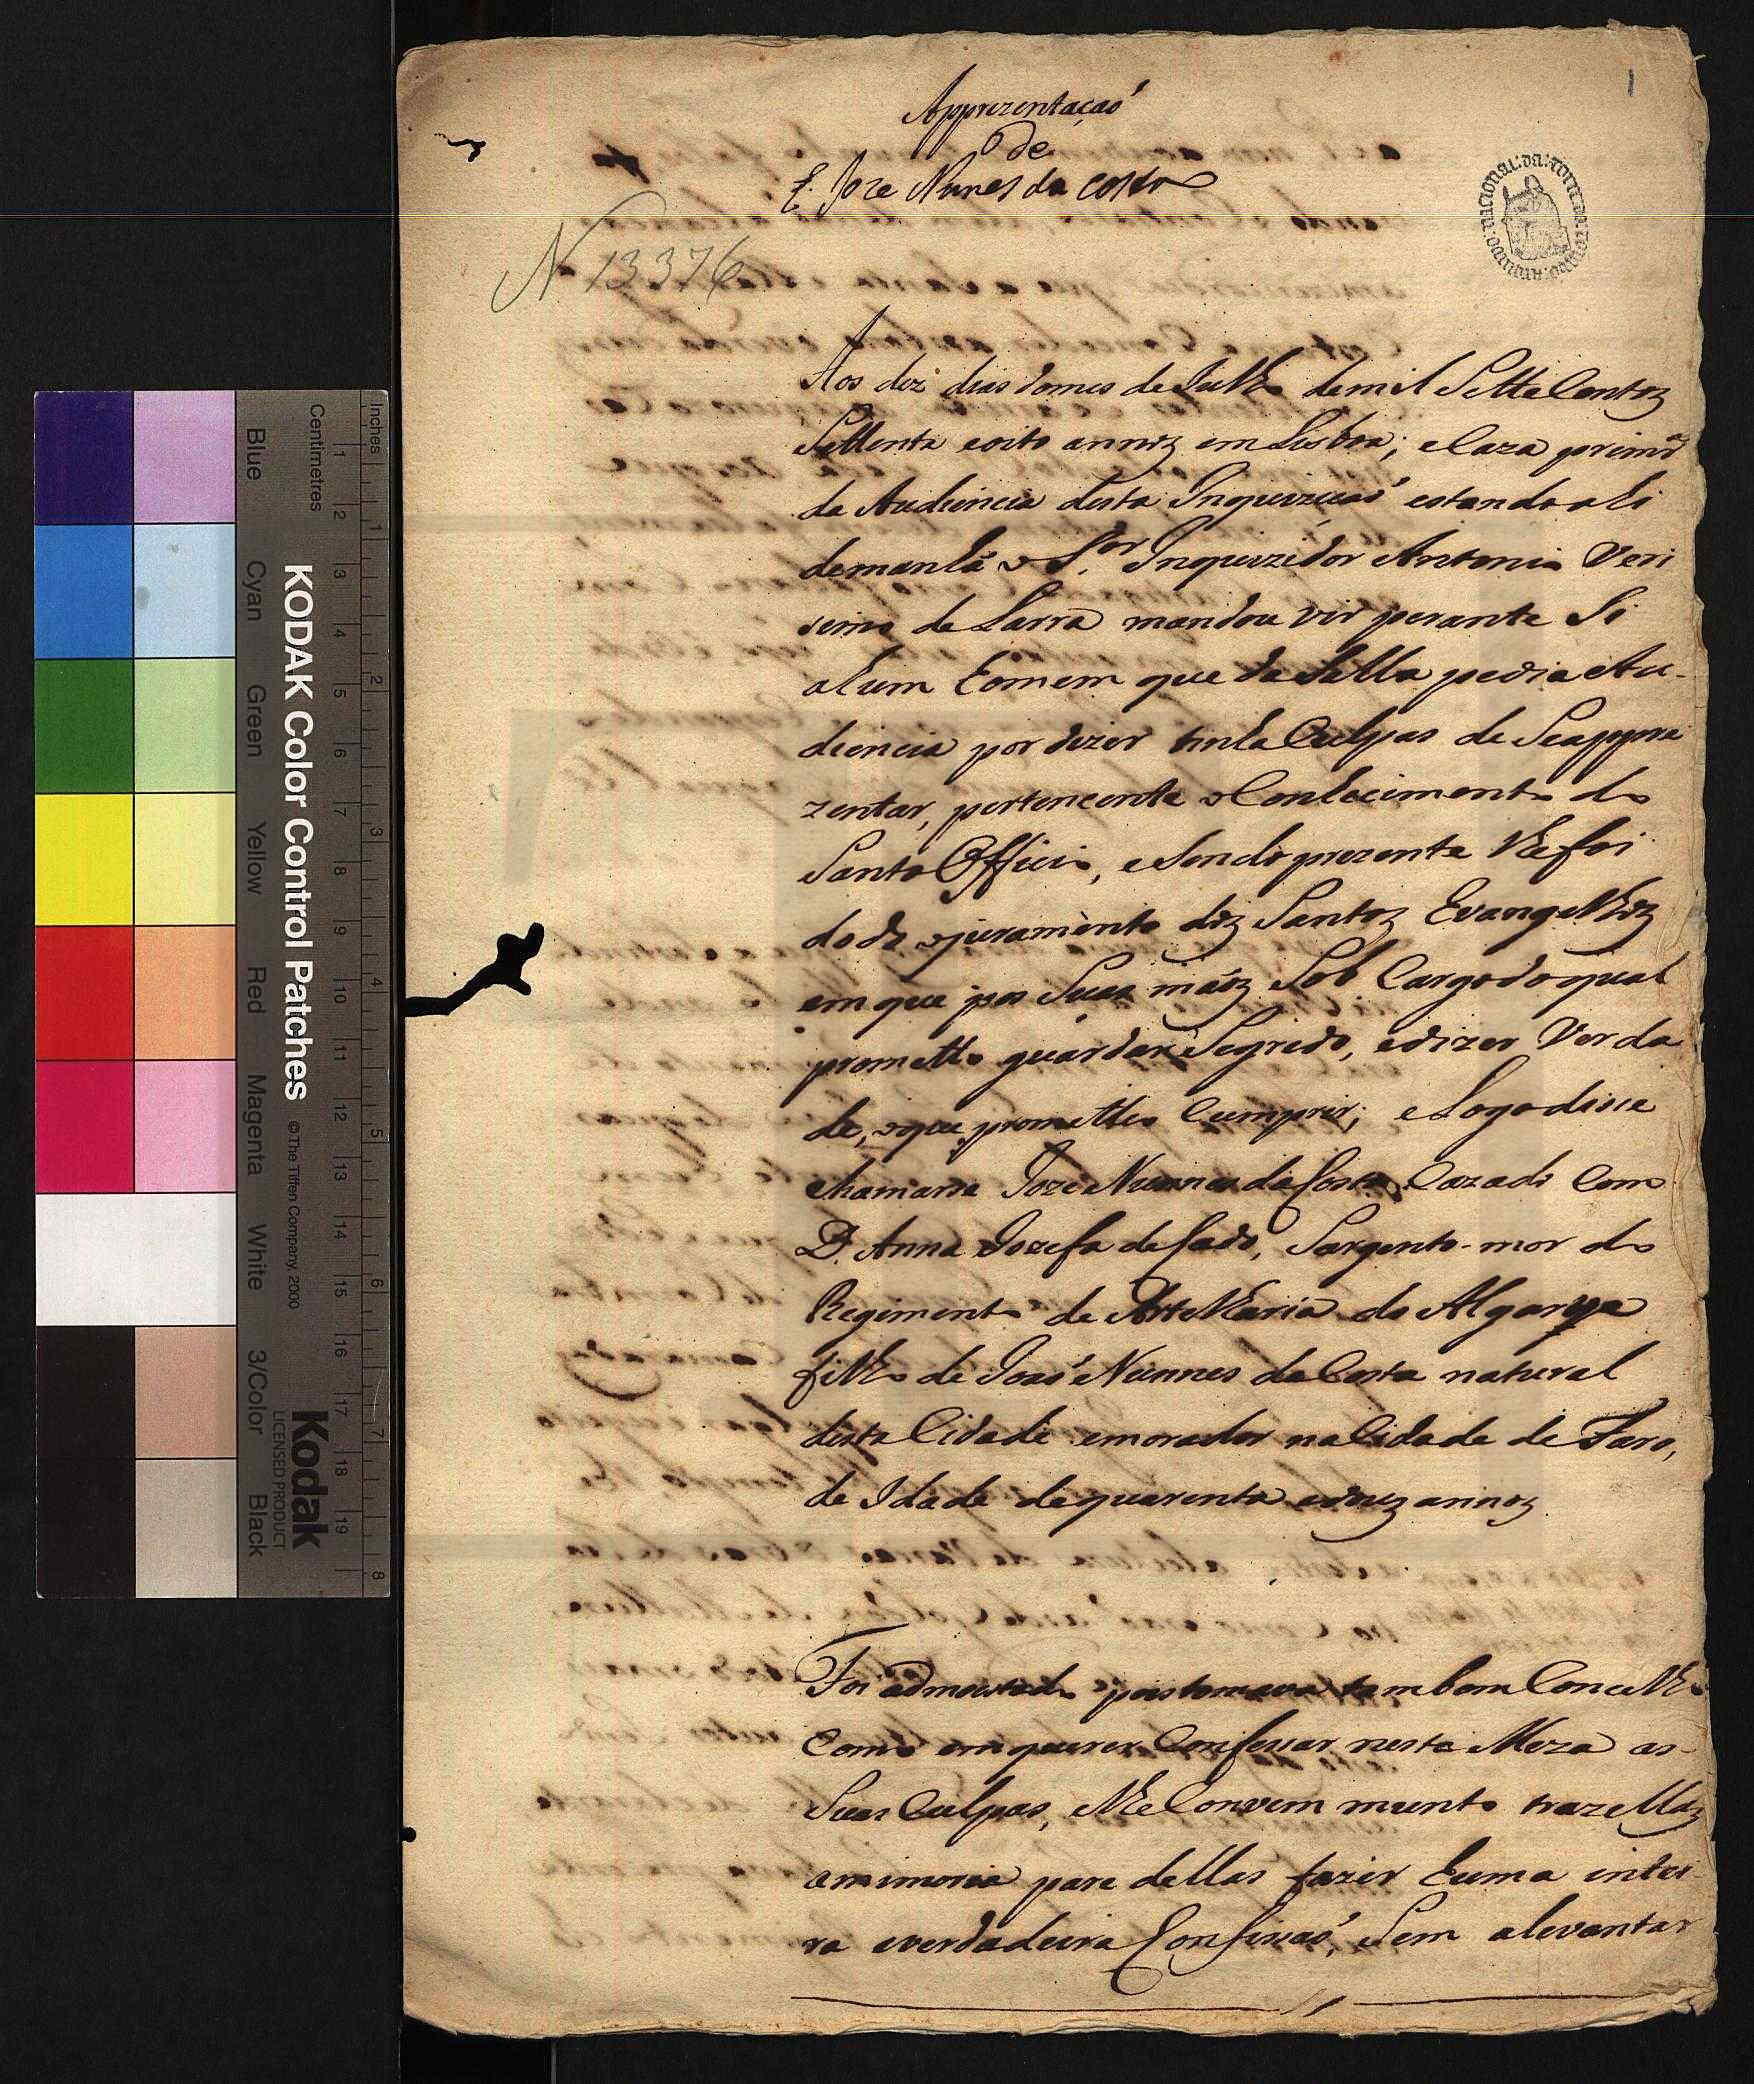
Apprezentaçaõ
de
E. Joze Nunes da costa
Aos dez dias do mes de Iulho de mil SetteCentoz
Settenta e oito annoz em Lisboa; e Caza primra
da Audiencia desta Inquiziçaõ estando ahi
de manhã o S.or Inquizidor Antonio Veri
simo de Larra mandou vir perante Si
a hum homem que da Sella pedia Au
diencia por dizer tinha culpas de Se appre
zentar, pertencente o Conhecimento do
Santo Officio, e Sendo prezente lhe foi
dado o juramento doz Santoz Evangelhoz
em que pos Suas maõz Sob Cargo do qual
promette guardar Segredo, e dizer Verda
de, o que prometteo cumprir; e Logo disse
chamarse Ioze Nunnes da Costa Cazado Com
D. Anna Iozefa de Cado, Sargento-mor do
Regimento de Artelharia do Algarve
filho de Ioaõ Nunnes da Costa natural
desta Cidade: e morador na Cidade de Faro,
de Idade de quarenta e douz annoz.
Foi admoestado pois tomava tam bom Concelho
Como em querer Confessar nesta Meza as
Suas Culpas, e lhe Convem munto trazellaz
a mimoria para dellas fazer huma intei
ra e verdadeira Confissaõ, Sem a levantar
